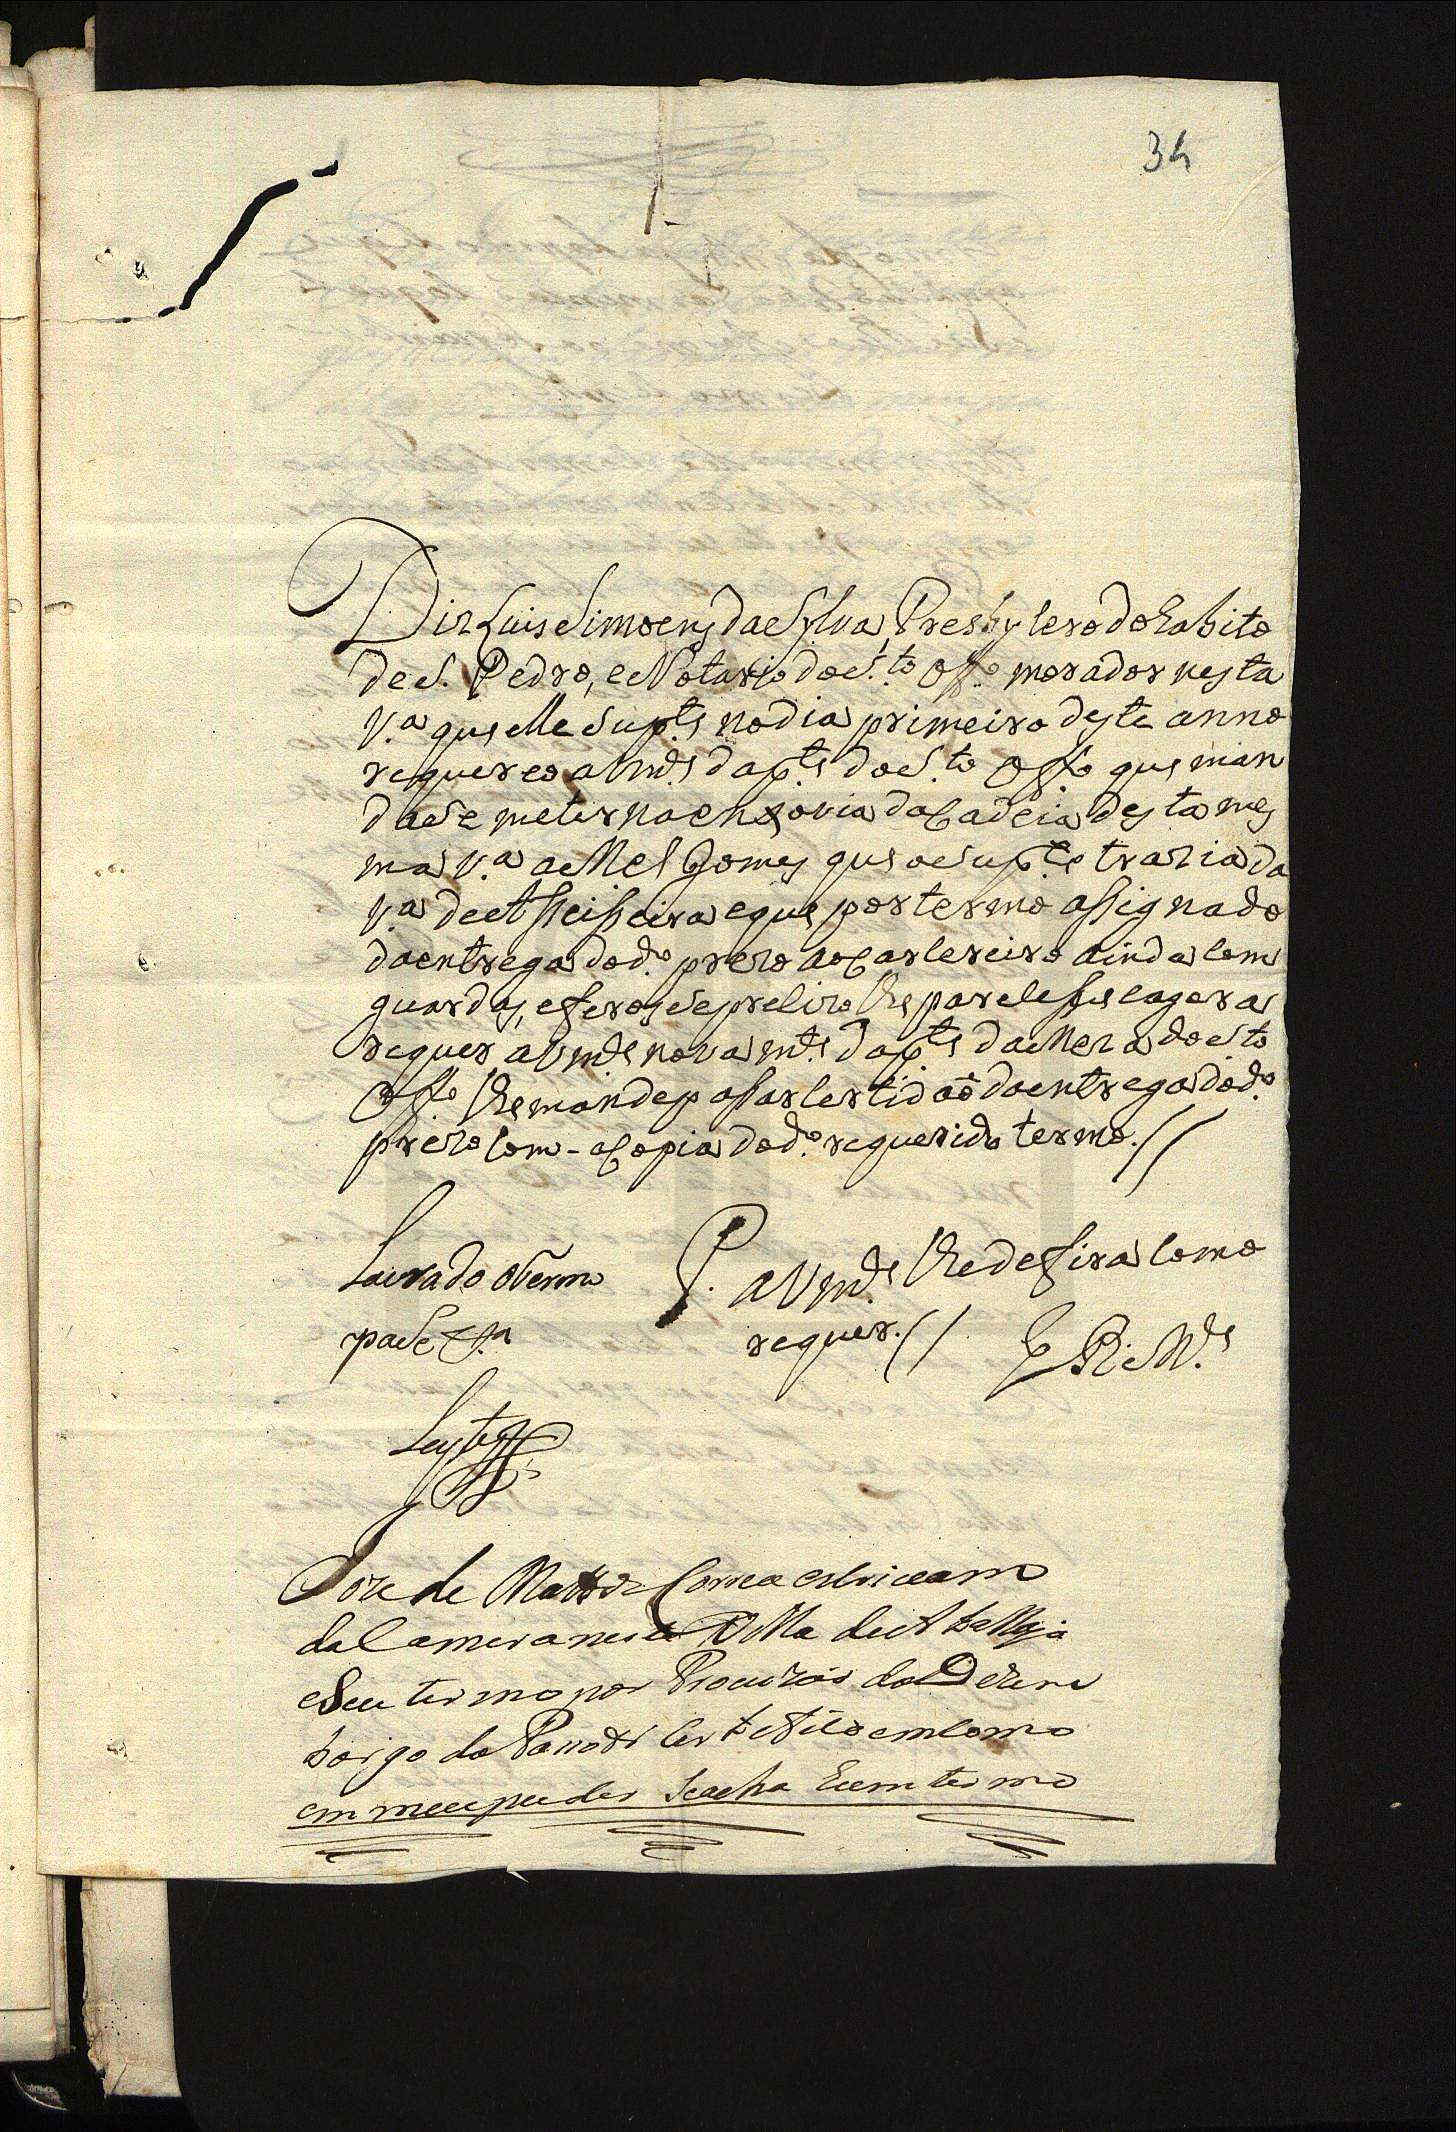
Diz Luis Simoens da Sylva, Presbytero do habito
de S. Pedro, e Notario do S.to Off.o morador nesta
V.a que elle sup.te no dia primeiro deste anno
requereo a v m.e da p.te do S.to off.o que man
dase meter na enxovia da Cadeia desta mes
ma V.a a M.el Gomes que o sup.te trazia da
V.a de Asseisseira e que por termo assignado
da entrega do d.o prezo ao Carcereiro ainda com
guardas, e feros se precizo lhe parecesse e agora
de quer a v m.e novam.te da p.te da Meza do S.to
Off.o lhe mande passar Certidaõ da entrega do d.o
prezo com a Copia do d.o requerido termo.//
Lavrado o Termo
pase V.a
P. a v m.e lhe defira como
requer.//
E R M.e
Ioze de Mattoz Correa escriuam
da Camera nesta Villa de Atallaja
e Seu termo por Prouizaõ do Dezem
bargo do Passo &r Certifico em como
em meu puder se acha hum termo
